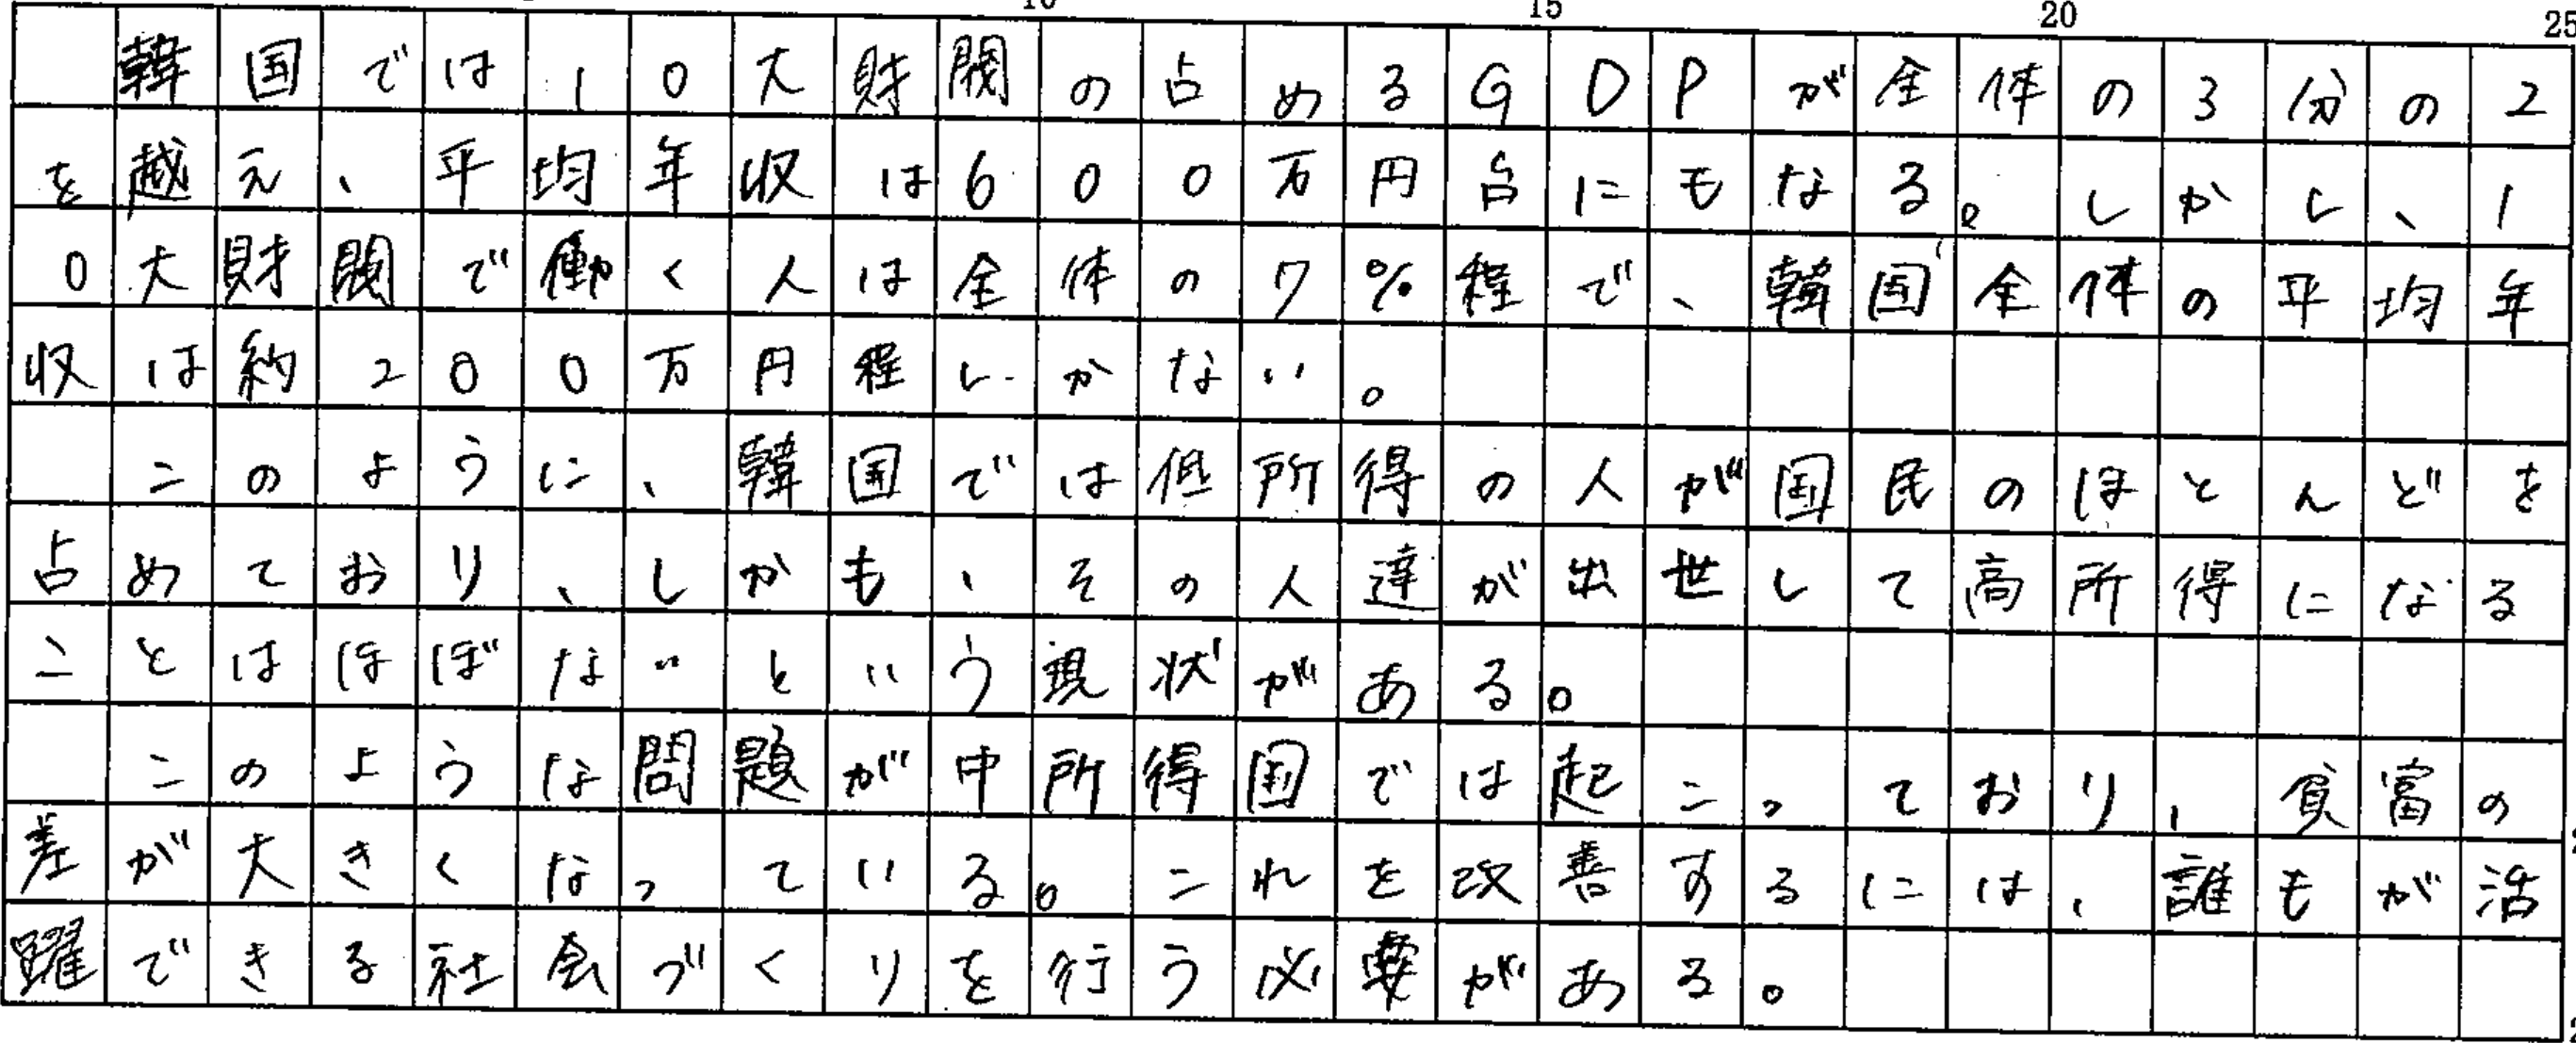　韓国では１０大財閥の占めるＧＤＰが全体の３分の２を越え、平均年収は６００万円台にもなる。しかし、１０大財閥で働く人は全体の７％程で、韓国全体の平均年収は約２００万円程しかない。
　このように、韓国では低所得の人が国民のほとんどを占めており、しかも、その人達が出世して高所得になることはほぼないという現状がある。
　このような問題が中所得国では起こっており、貧富の差が大きくなっている。これを改善するには、誰もが活躍できる社会づくりを行う必要がある。
